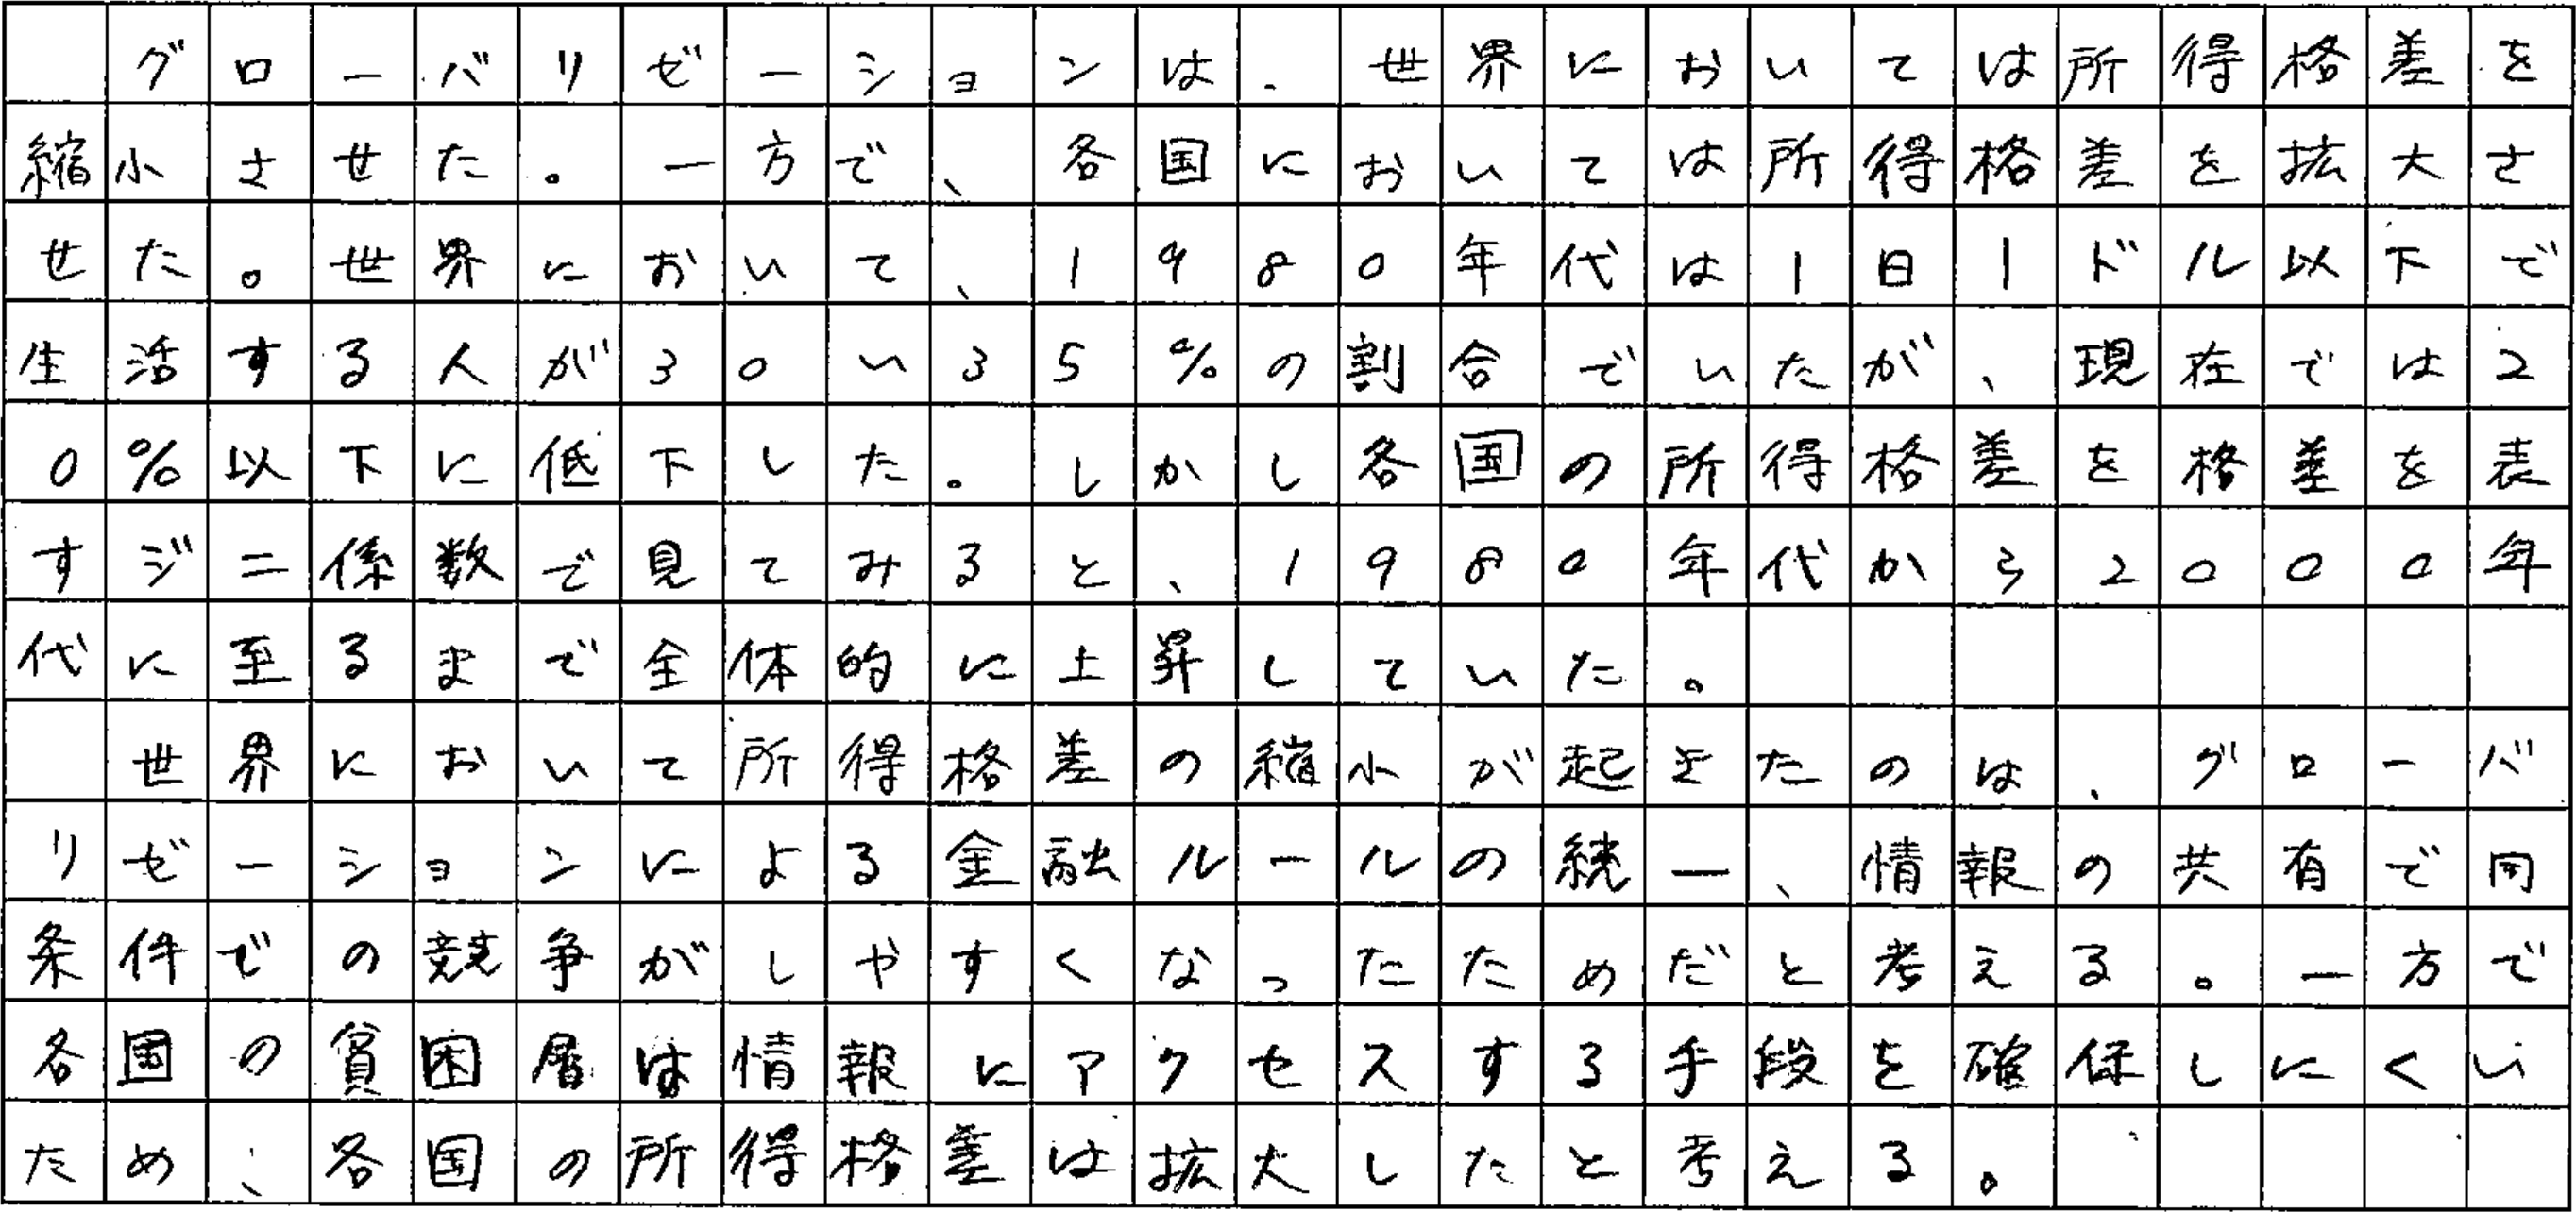　グローバリゼーションは、世界においては所得格差を縮小させた。一方で、各国においては所得格差を拡大させた。世界において、１９８０年代は１日１ドル以下で生活する人が３０～３５％の割合でいたが、現在では２０％以下に低下した。しかし各国の所得格差を格差を表すジニ係数で見てみると、１９８０年代から２０００年代に至るまで全体的に上昇していた。
　世界において所得格差の縮小が起きたのは、グローバリゼーションによる金融ルールの統一、情報の共有で同条件での競争がしやすくなったためだと考える。一方で各国の貧困層は情報にアクセスする手段を確保しにくいため、各国の所得格差は拡大したと考える。
